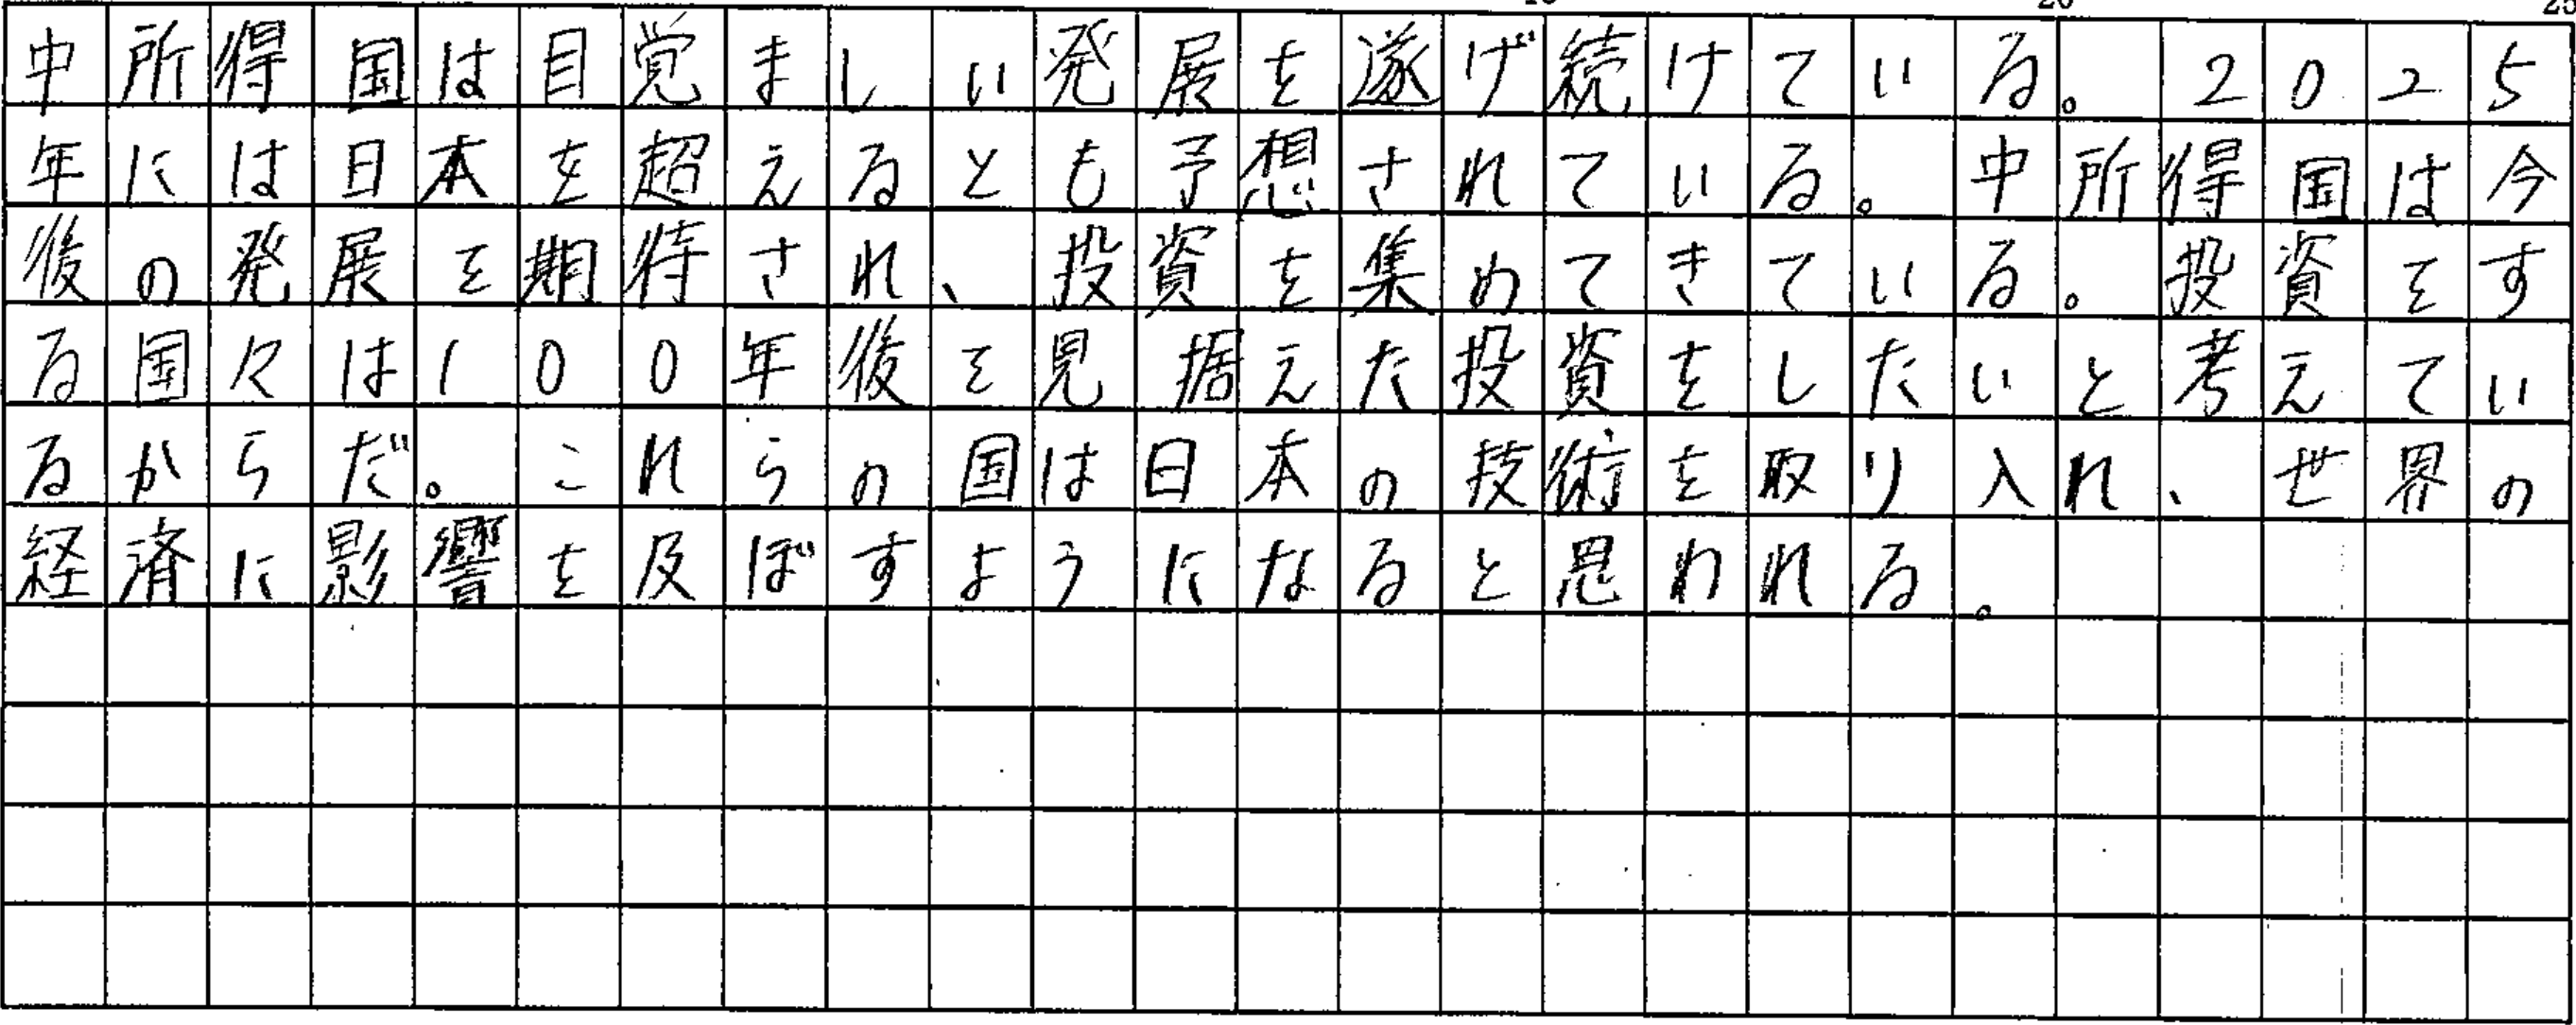中所得国は目覚ましい発展を遂げ続けている。２０２５年には日本を超えるとも予想されている。中所得国は今後の発展を期待され、投資を集めてきている。投資をする国々は１００年後を見据えた投資をしたいと考えているからだ。これらの国は日本の技術を取り入れ、世界の経済に影響を及ぼすようになると思われる。
